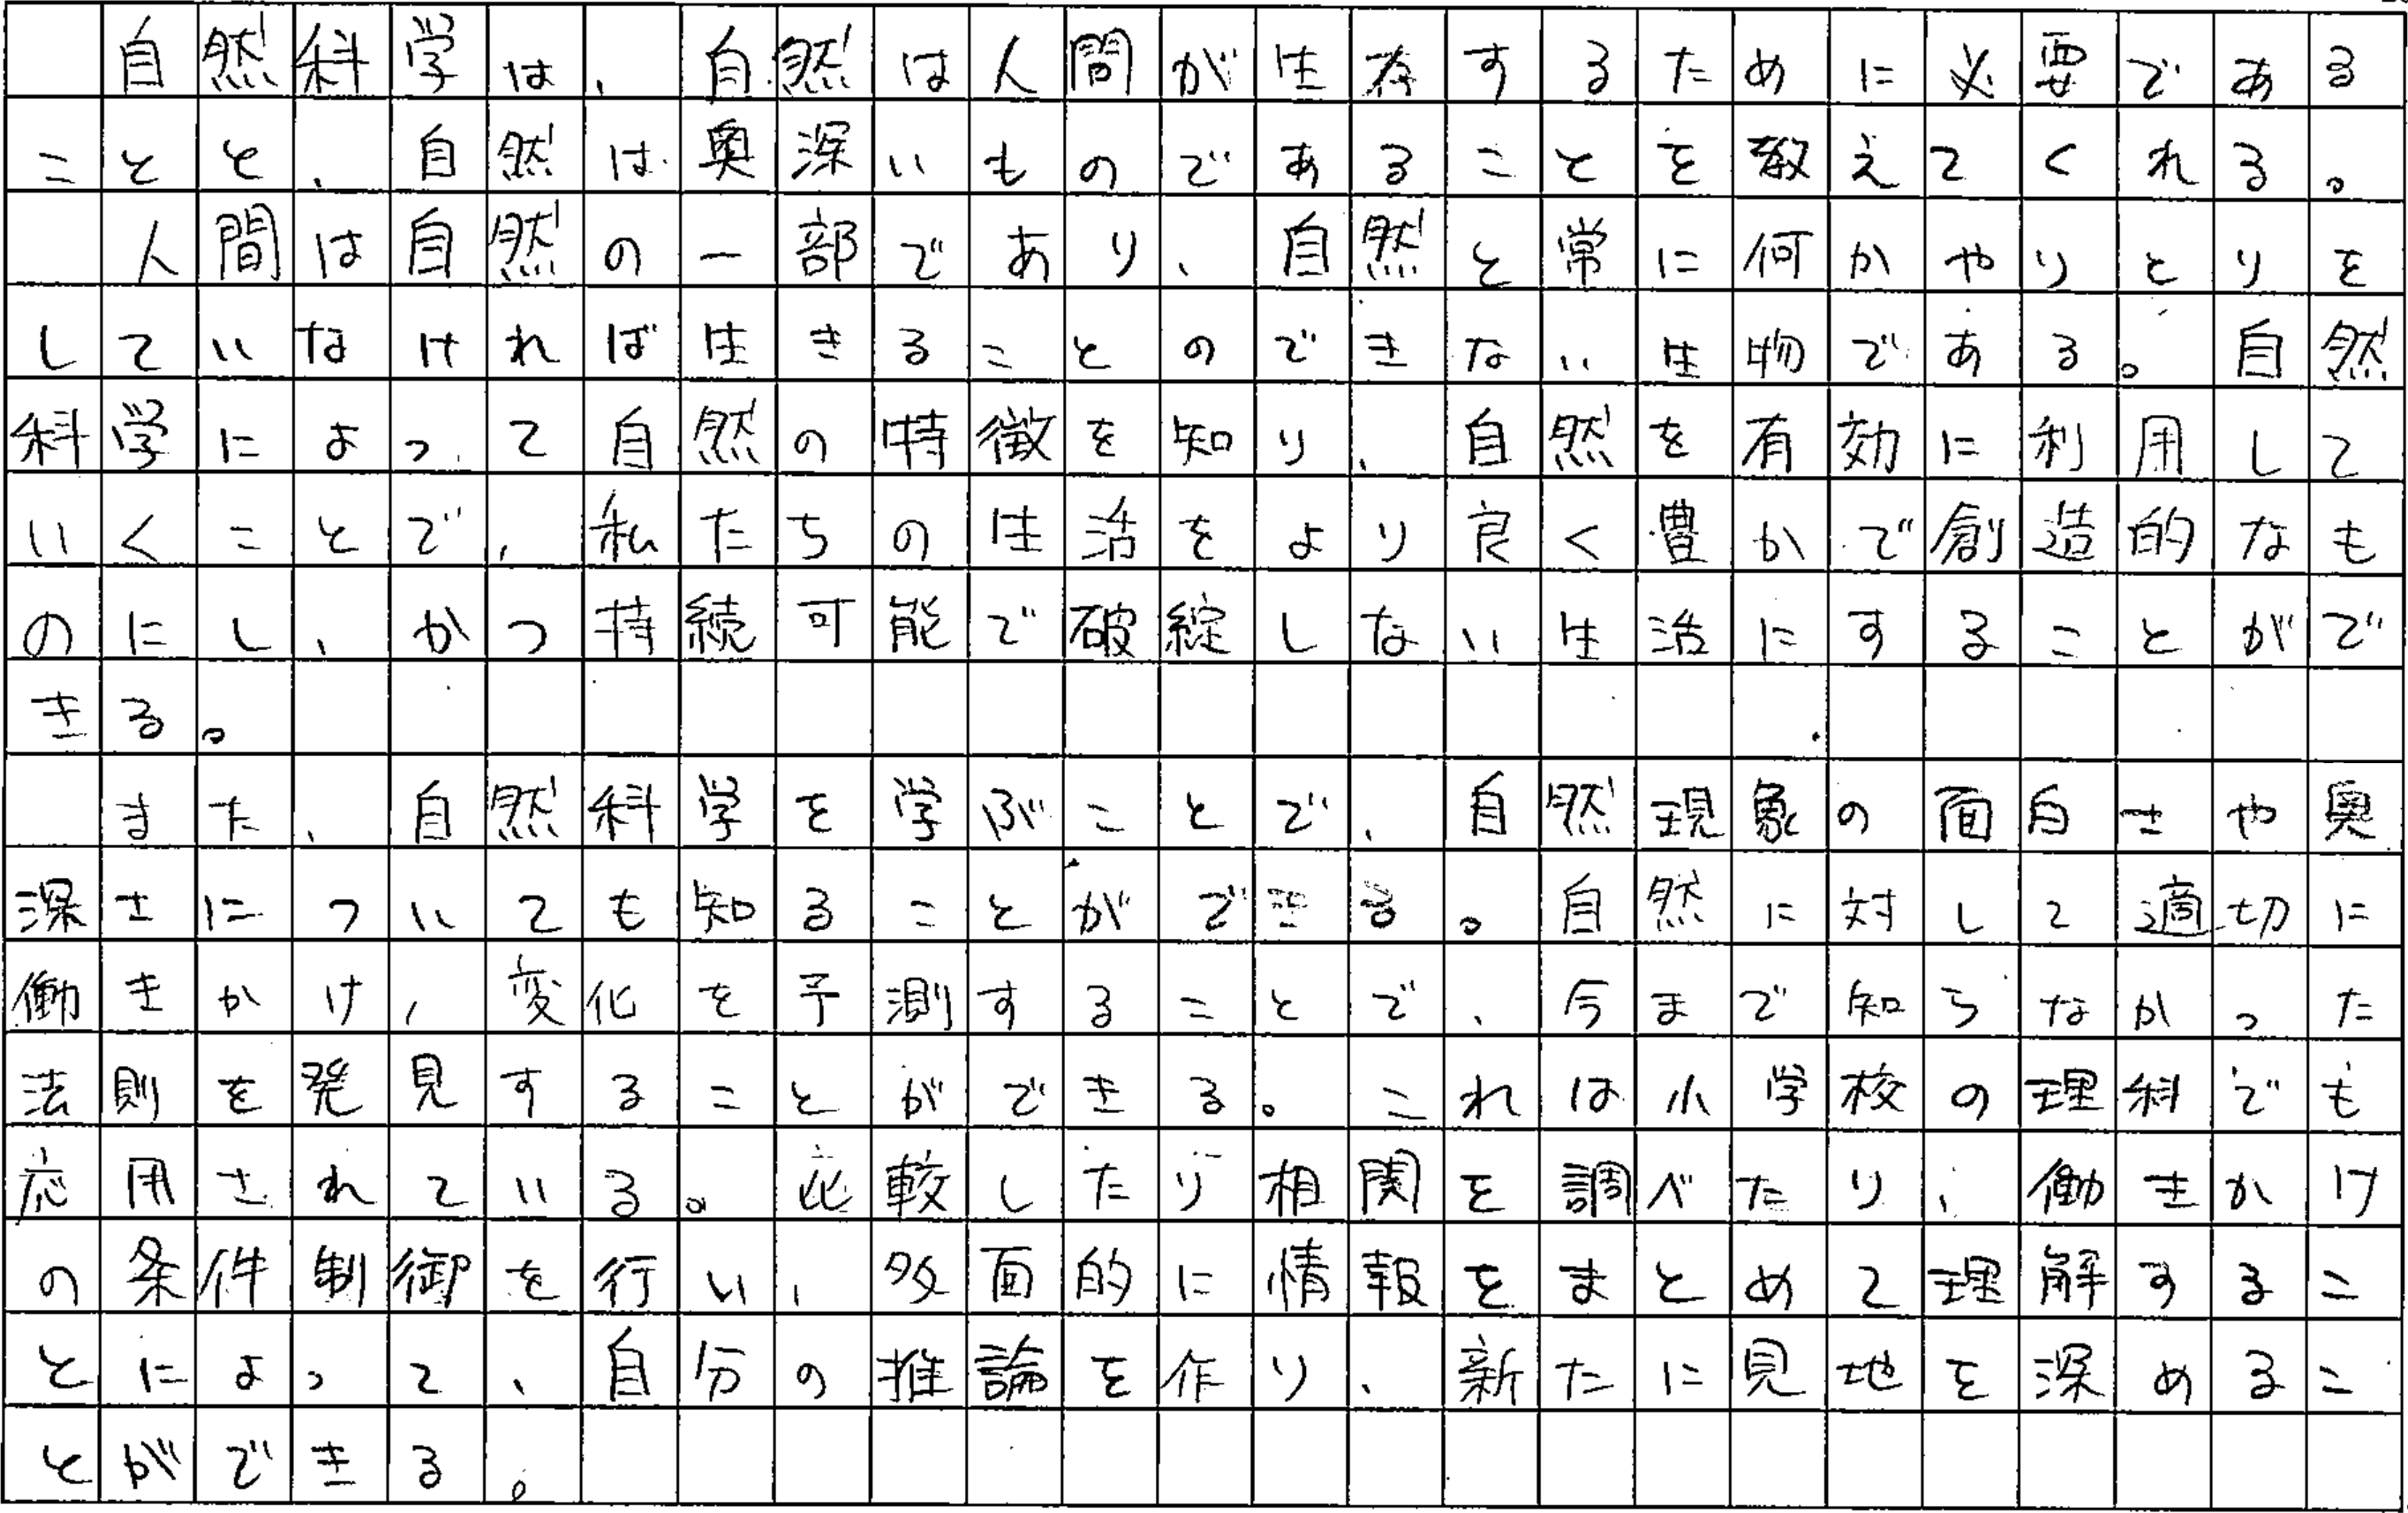　自然科学は、自然は人間が生存するために必要であることと、自然は奥深いものであることを教えてくれる。
　人間は自然の一部であり、自然と常に何かやりとりをしていなければ生きることのできない生物である。自然科学によって自然の特徴を知り、自然を有効に利用していくことで、私たちの生活をより良く豊かで創造的なものにし、かつ持続可能で破綻しない生活にすることができる。
　また、自然科学を学ぶことで、自然現象の面白さや奥深さについても知ることができる。自然に対して適切に働きかけ、変化を予測することで、今まで知らなかった法則を発見することができる。これは小学校の理科でも応用されている。比較したり相関を調べたり、働きかけの条件制御を行い、多面的に情報をまとめて理解することによって、自分の推論を作り、新たに見地を深めることができる。
